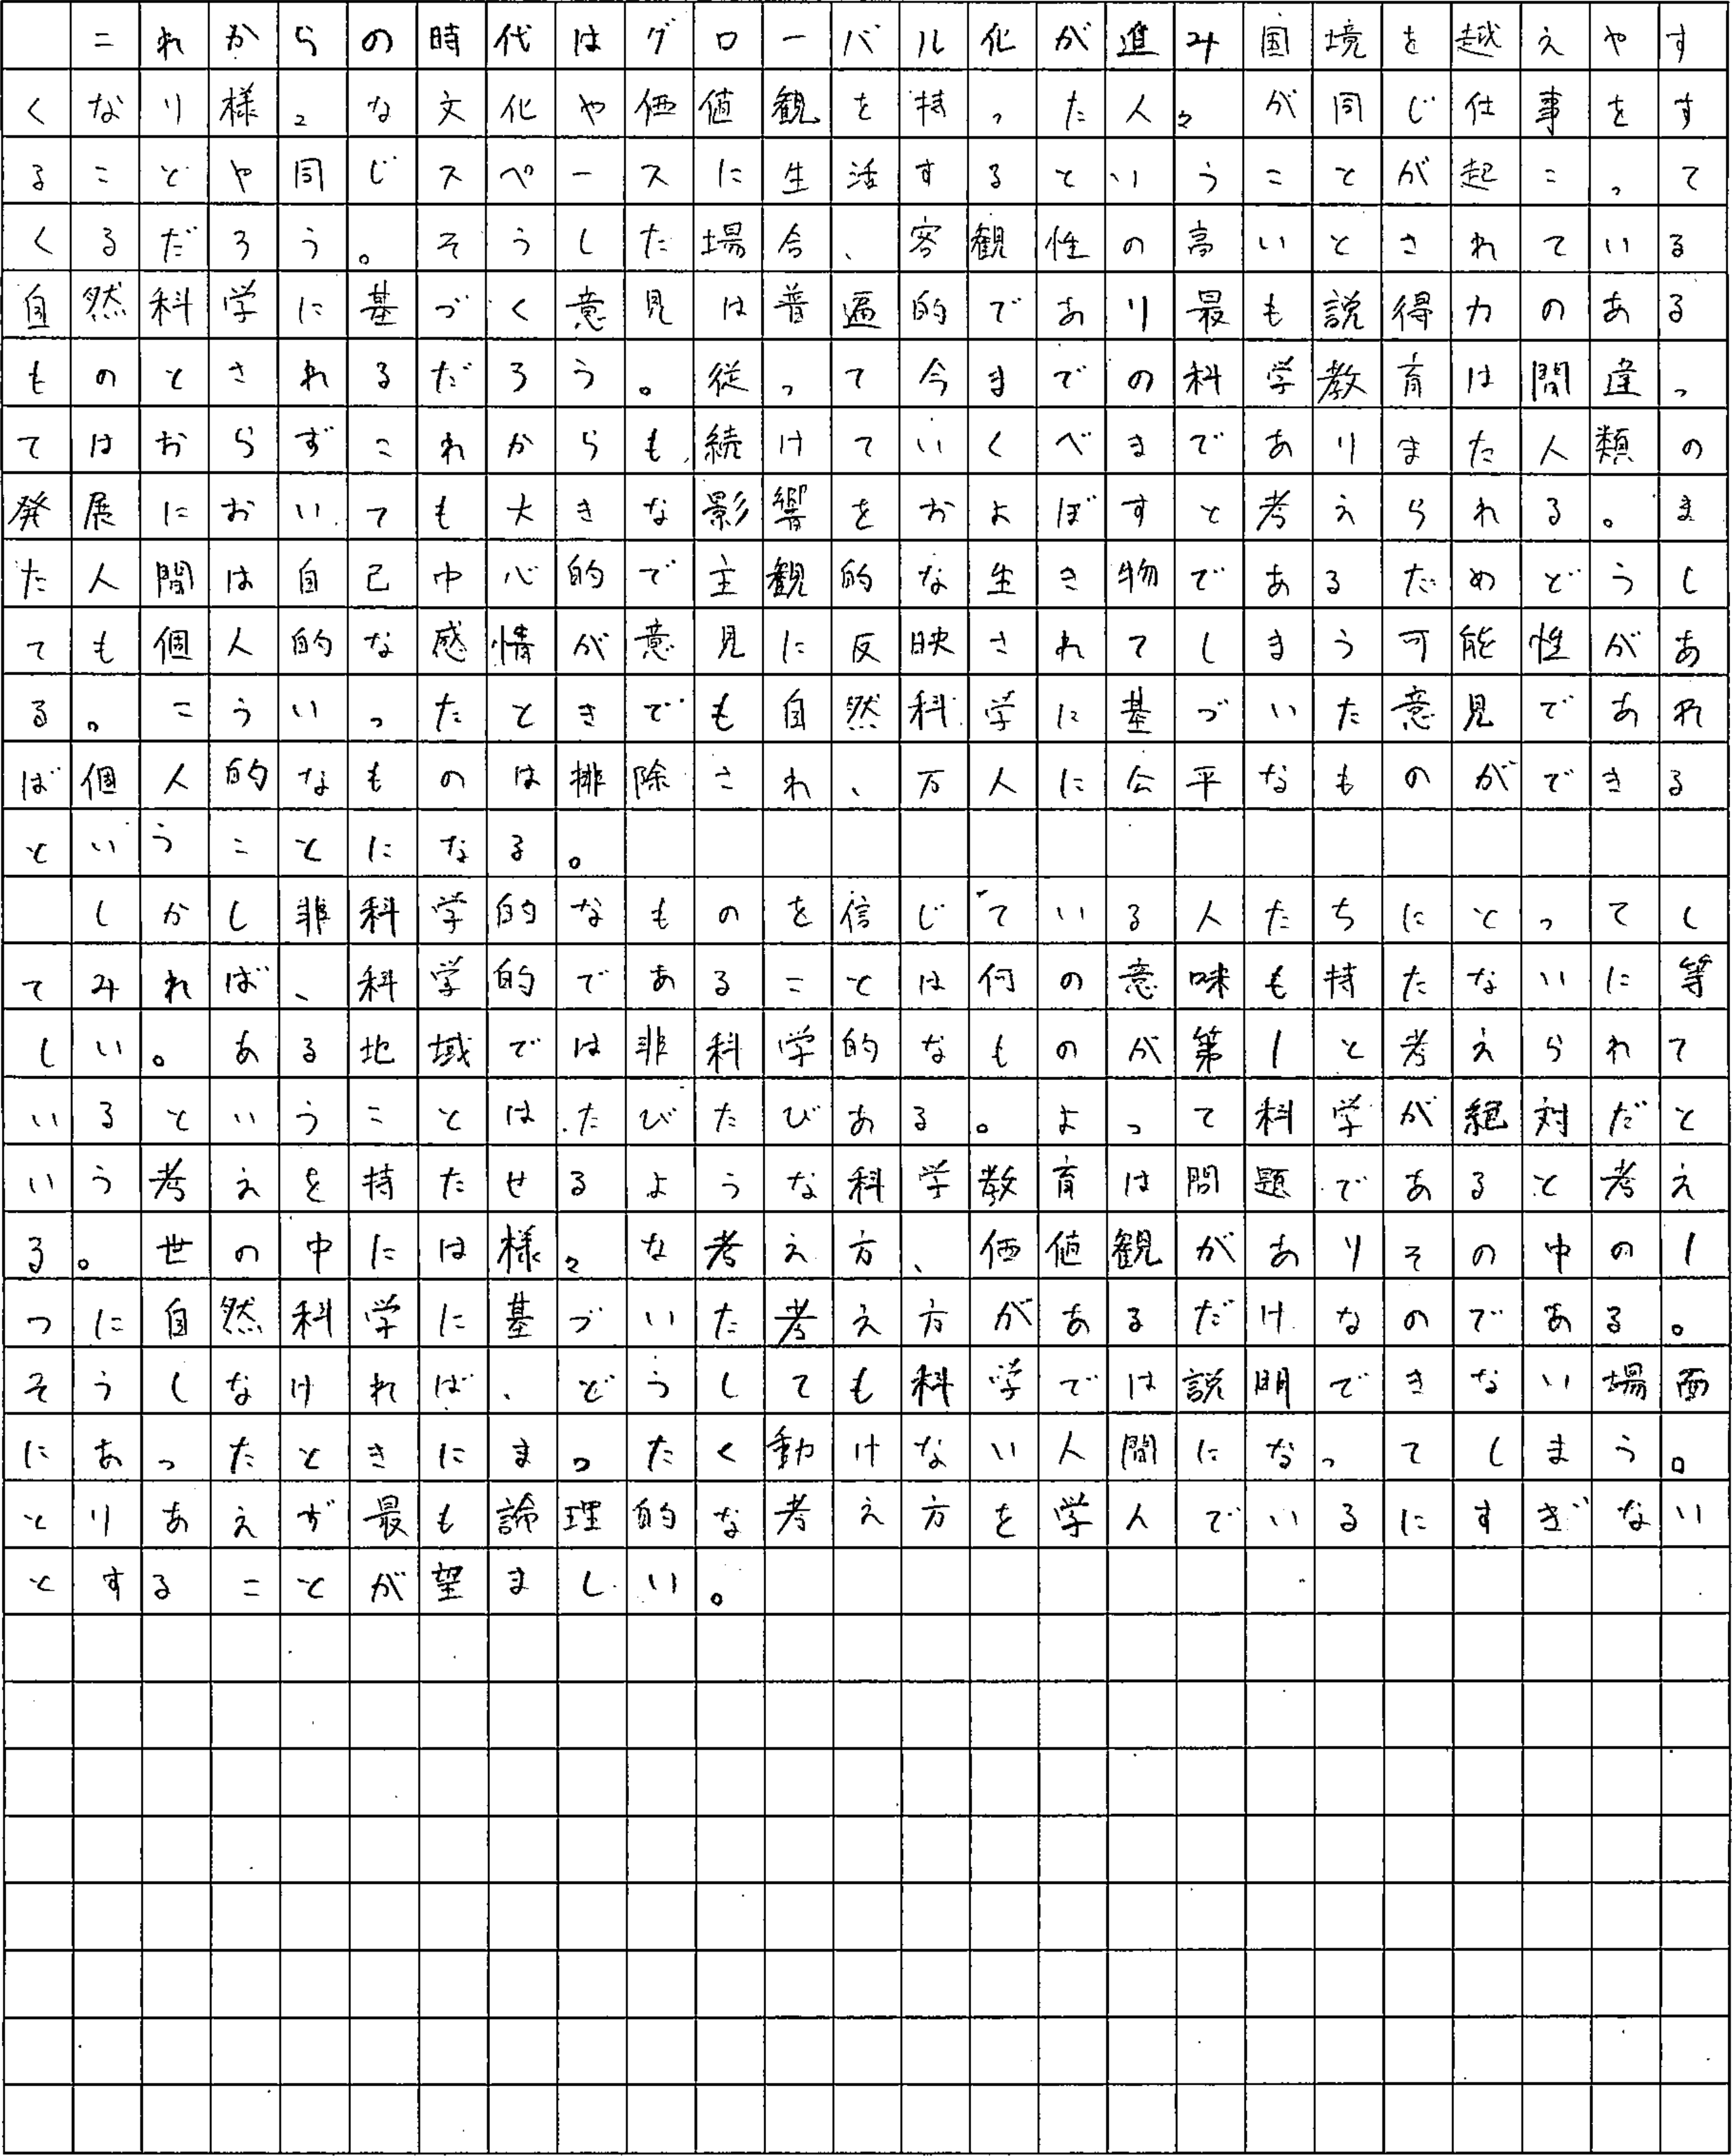　これからの時代はグローバル化が進み国境を越えやすくなり様々な文化や価値観を持った人々が同じ仕事をすることや同じスペースに生活するということが起こってくるだろう。そうした場合、客観性の高いとされている自然科学に基づく意見は普遍的であり最も説得力のあるものとされるだろう。従って今までの科学教育は間違ってはおらずこれからも続けていくべきでありまた人類の発展においても大きな影響をおよぼすと考えられる。また人間は自己中心的で主観的な生き物であるためどうしても個人的な感情が意見に反映されてしまう可能性がある。こういったときでも自然科学に基づいた意見であれば個人的なものは排除され、万人に公平なものができるということになる。
　しかし非科学的なものを信じている人たちにとってしてみれば、科学的であることは何の意味も持たないに等しい。ある地域では非科学的なものが第１と考えられているということはたびたびある。よって科学が絶対だという考えを持たせるような科学教育は問題であると考える。世の中には様々な考え方、価値観がありその中の１つに自然科学に基づいた考え方があるだけなのである。そうしなければ、どうしても科学では説明できない場面にあったときにまったく動けない人間になってしまう。とりあえず最も論理的な考え方を学んでいるにすぎないとすることが望ましい。
